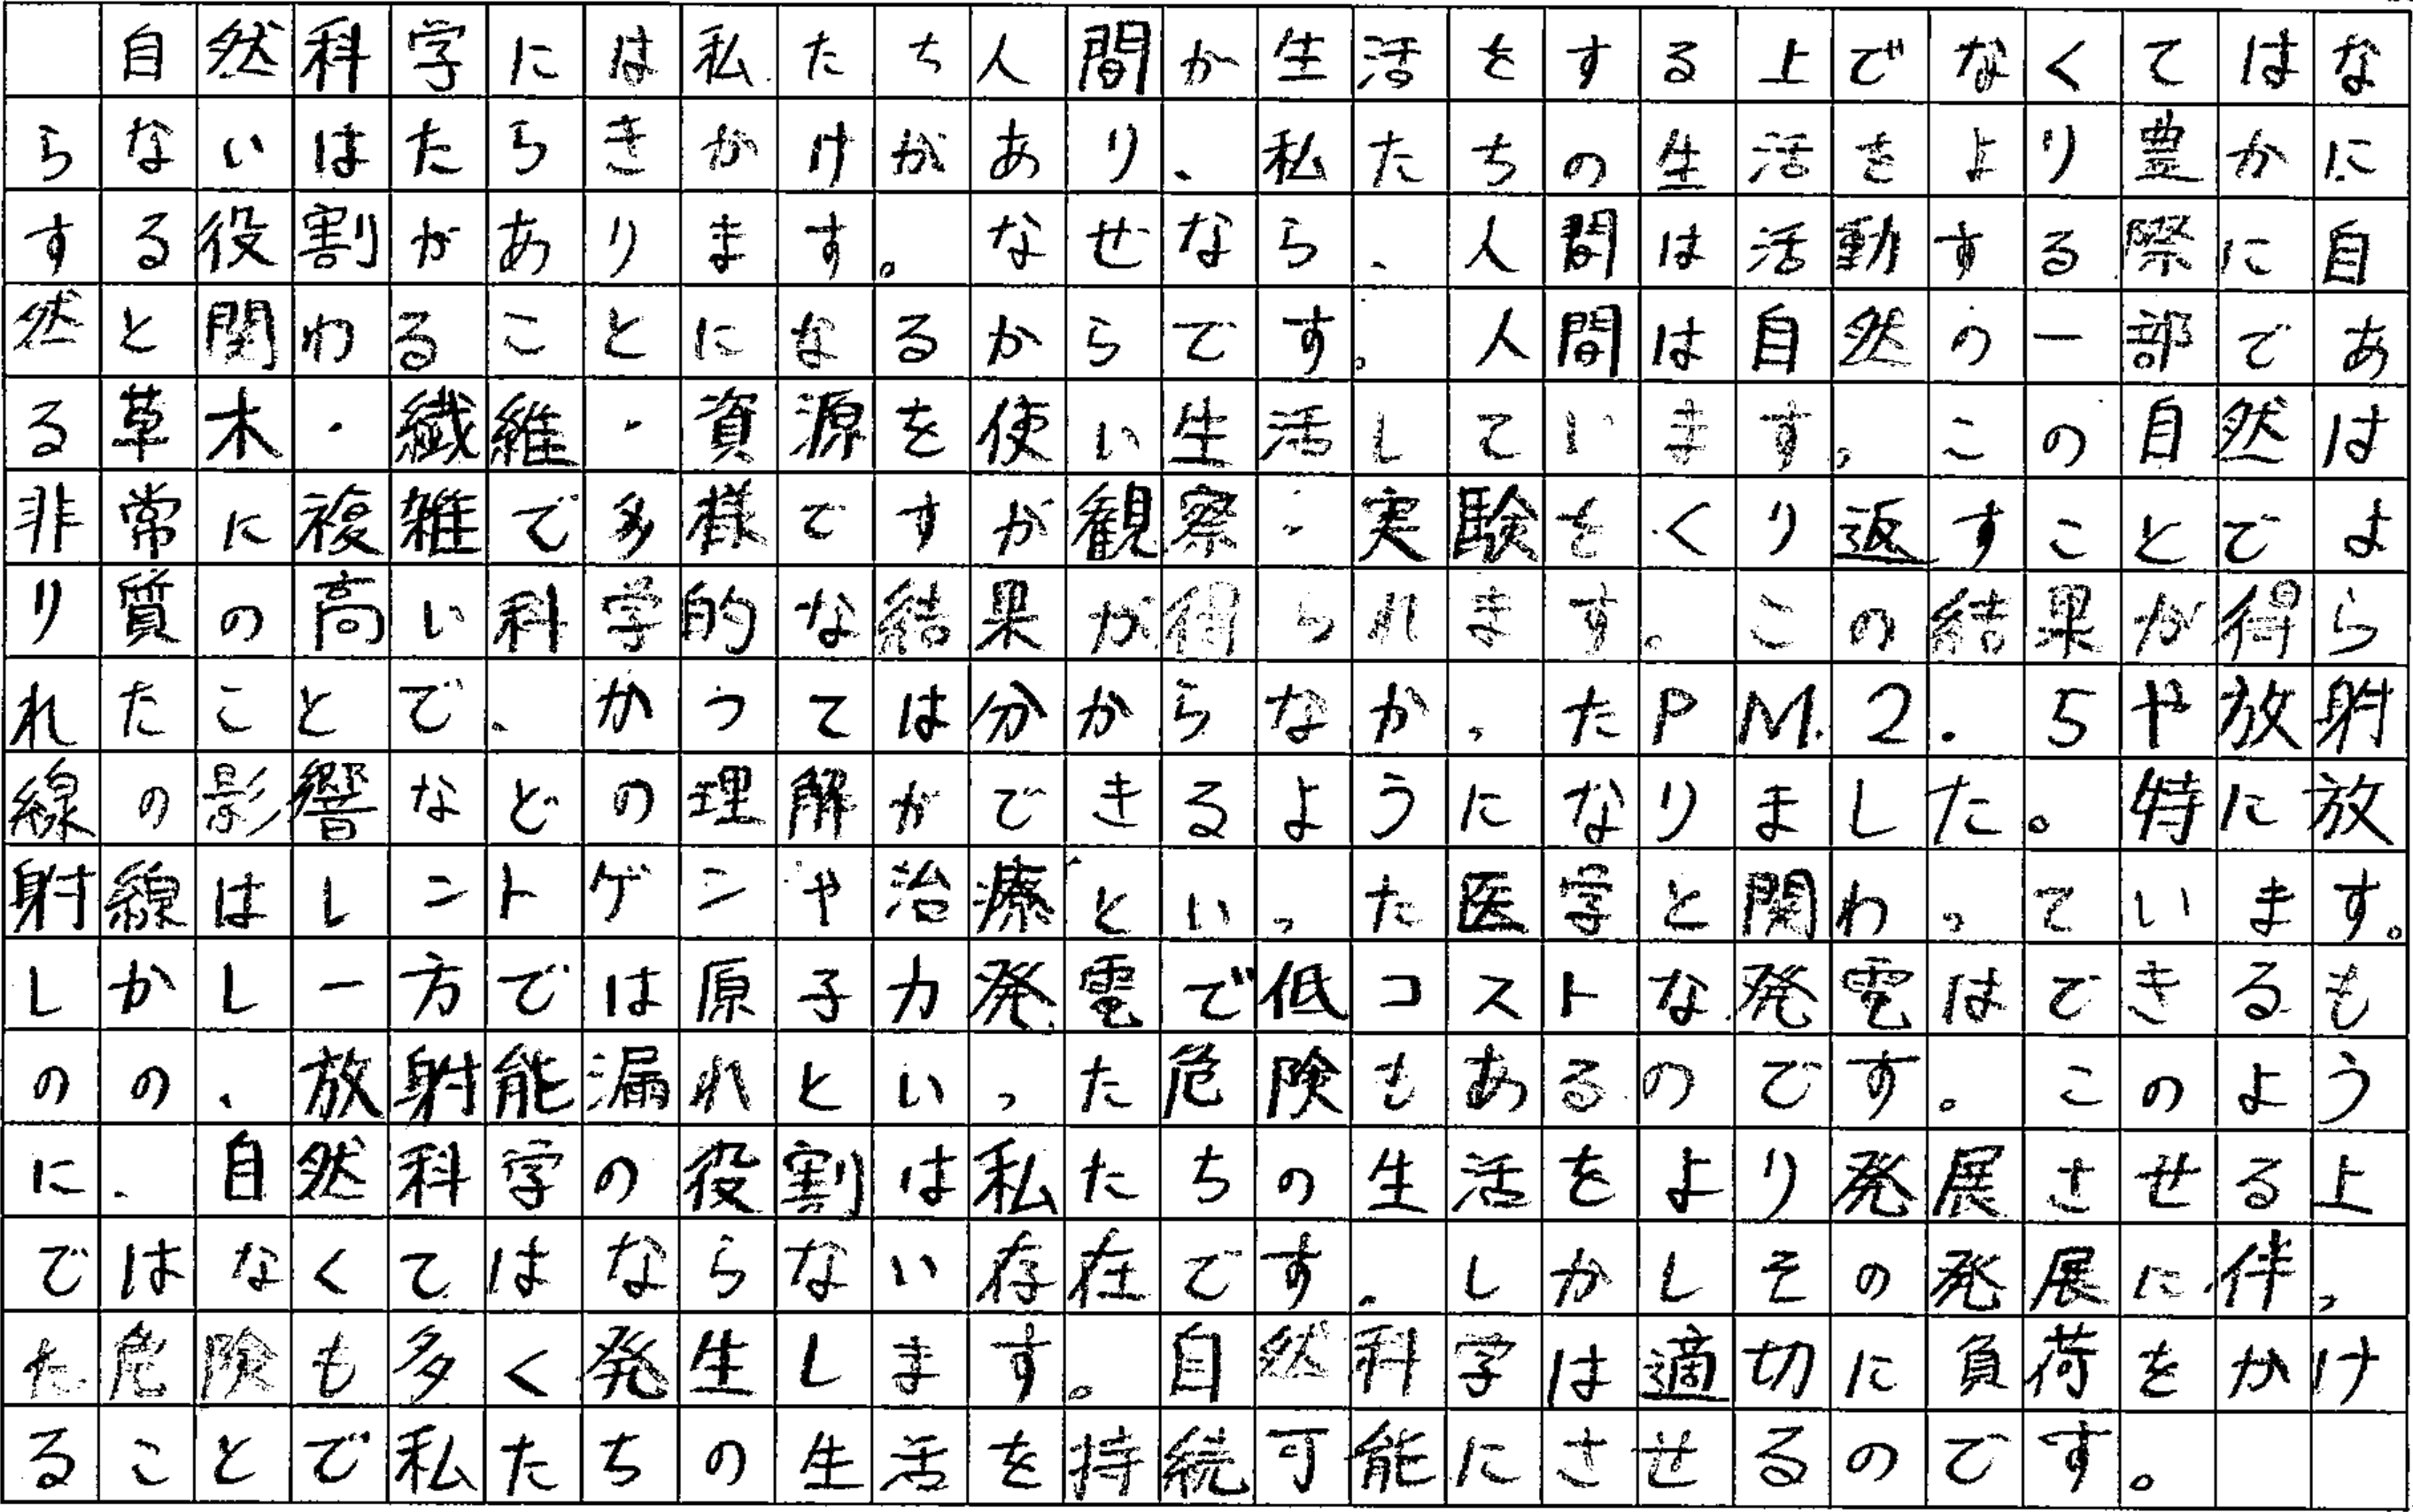　自然科学には私たち人間が生活をする上でなくてはならないはたらきかけがあり、私たちの生活をより豊かにする役割があります。なぜなら、人間は活動する際に自然と関わることになるからです。人間は自然の一部である草木・繊維・資源を使い生活しています。この自然は非常に▁雑で多様ですが観察・実験をくり返すことでより質の高い科学的な結果が得られます。この結果が得られたことで、かつては分からなかったＰＭ２．５や放射線の影響などの理解ができるようになりました。特に放射線はレントゲンや治療といった医学と関わっています。しかし一方では原子力発電で低コストな発電はできるものの、放射能漏れといった危険もあるのです。このように、自然科学の役割は私たちの生活をより発展させる上ではなくてはならない存在です。しかしその発展に伴った危険も多く発生します。自然科学は適切に負荷をかけることで私たちの生活を持続可能にさせるのです。
